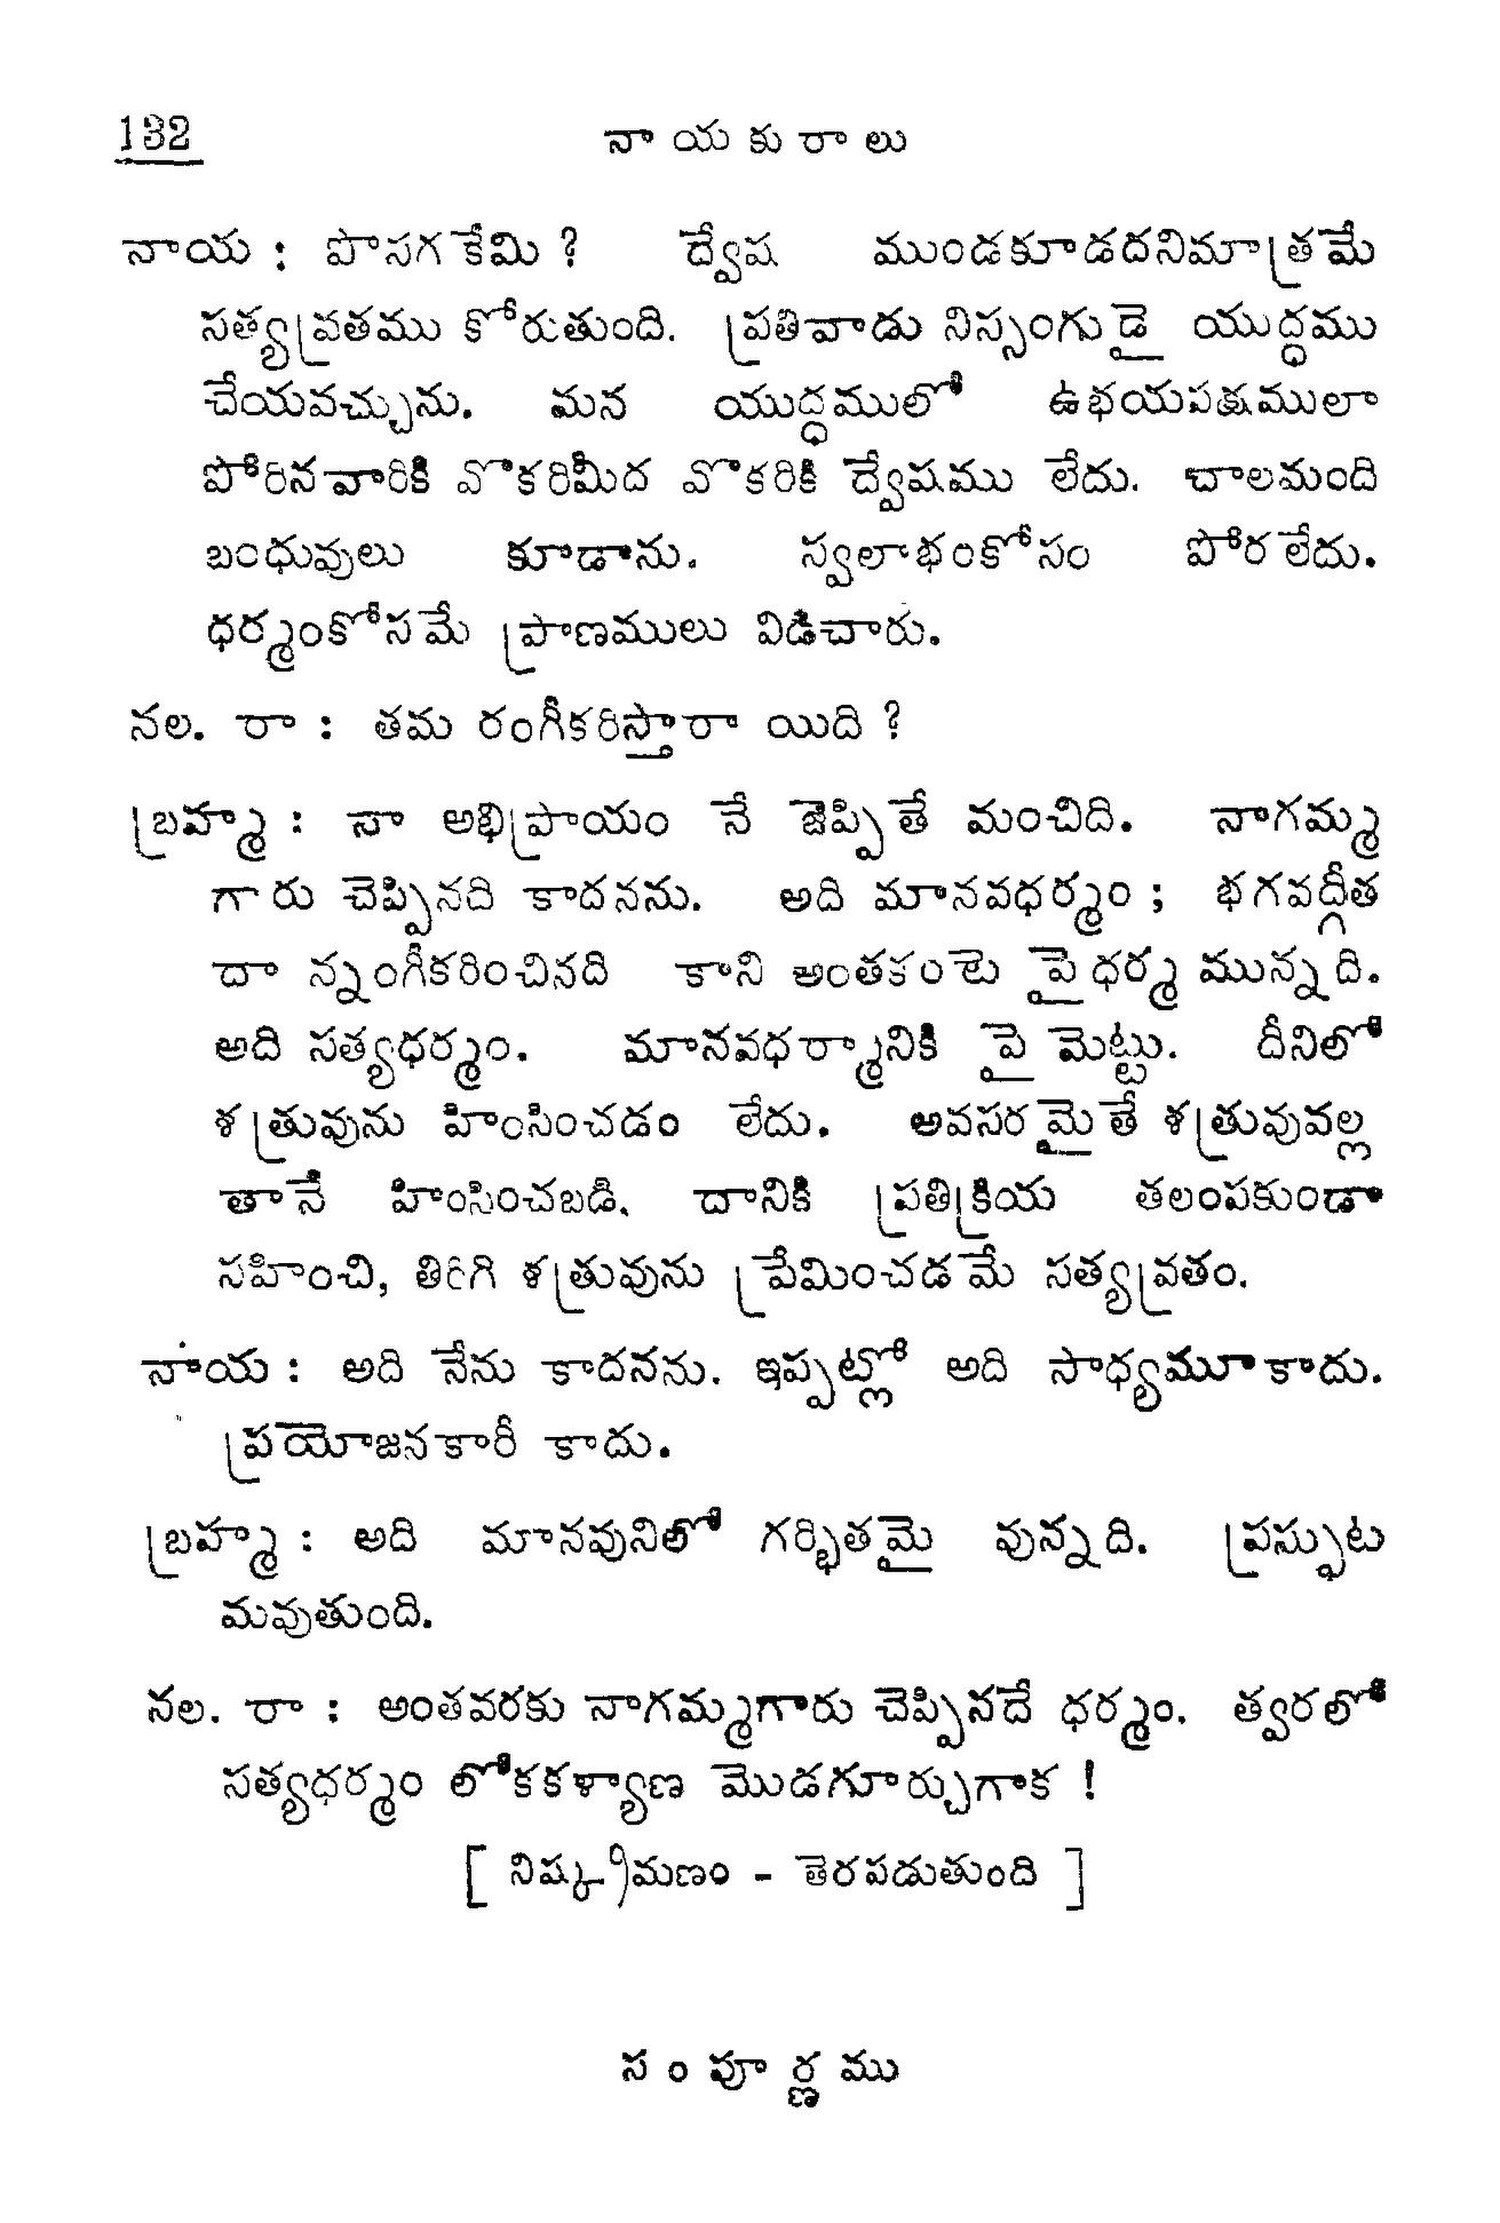నాయ : పొసగకేమి ? ద్వేష ముండకూడదనిమాత్రమే సత్యవ్రతము కోరుతుంది. ప్రతివాడు నిస్సంగుడై యుద్ధము చేయవచ్చును. మన యుద్ధములో ఉభయపక్షములా పోరినవారికి వొకరిమీద వొకరికి ద్వేషము లేదు. చాలమంది బంధువులు కూడాను. స్వలాభంకోసం పోరలేదు. ధర్మంకోసమే ప్రాణములు విడిచారు.

నల. రా : తమ రంగీకరిస్తారా యిది ?

బ్రహ్మ : నా అభిప్రాయం నే జెప్పితే మంచిది. నాగమ్మగారు చెప్పినది కాదనను. అది మానవధర్మం ; భగవద్గీత దా న్నంగీకరించినది కాని అంతకంటె పైధర్మ మున్నది. అది సత్యధర్మం. 
మానవధర్మానికి పై మెట్టు. దీనిలో శత్రువును హింసించడం లేదు. అవసరమైతే శత్రువువల్ల
తానే హింసించబడి, దానికి ప్రతిక్రియ తలంపకుండా సహించి, తిరిగి శత్రువును ప్రేమించడమే సత్యవ్రతం.

నాయ : అది నేను కాదనను. ఇప్పట్లో అది సాధ్యమూకాదు. ప్రయోజనకారీ కాదు.

బ్రహ్మ : అది మానవునిలో గర్భితమై వున్నది. ప్రస్ఫుట మవుతుంది.

నల. రా : అంతవరకు నాగమ్మగారు చెప్పినదే ధర్మం. త్వరలో సత్యధర్మం లోకకళ్యాణ మొడగూర్చుగాక!